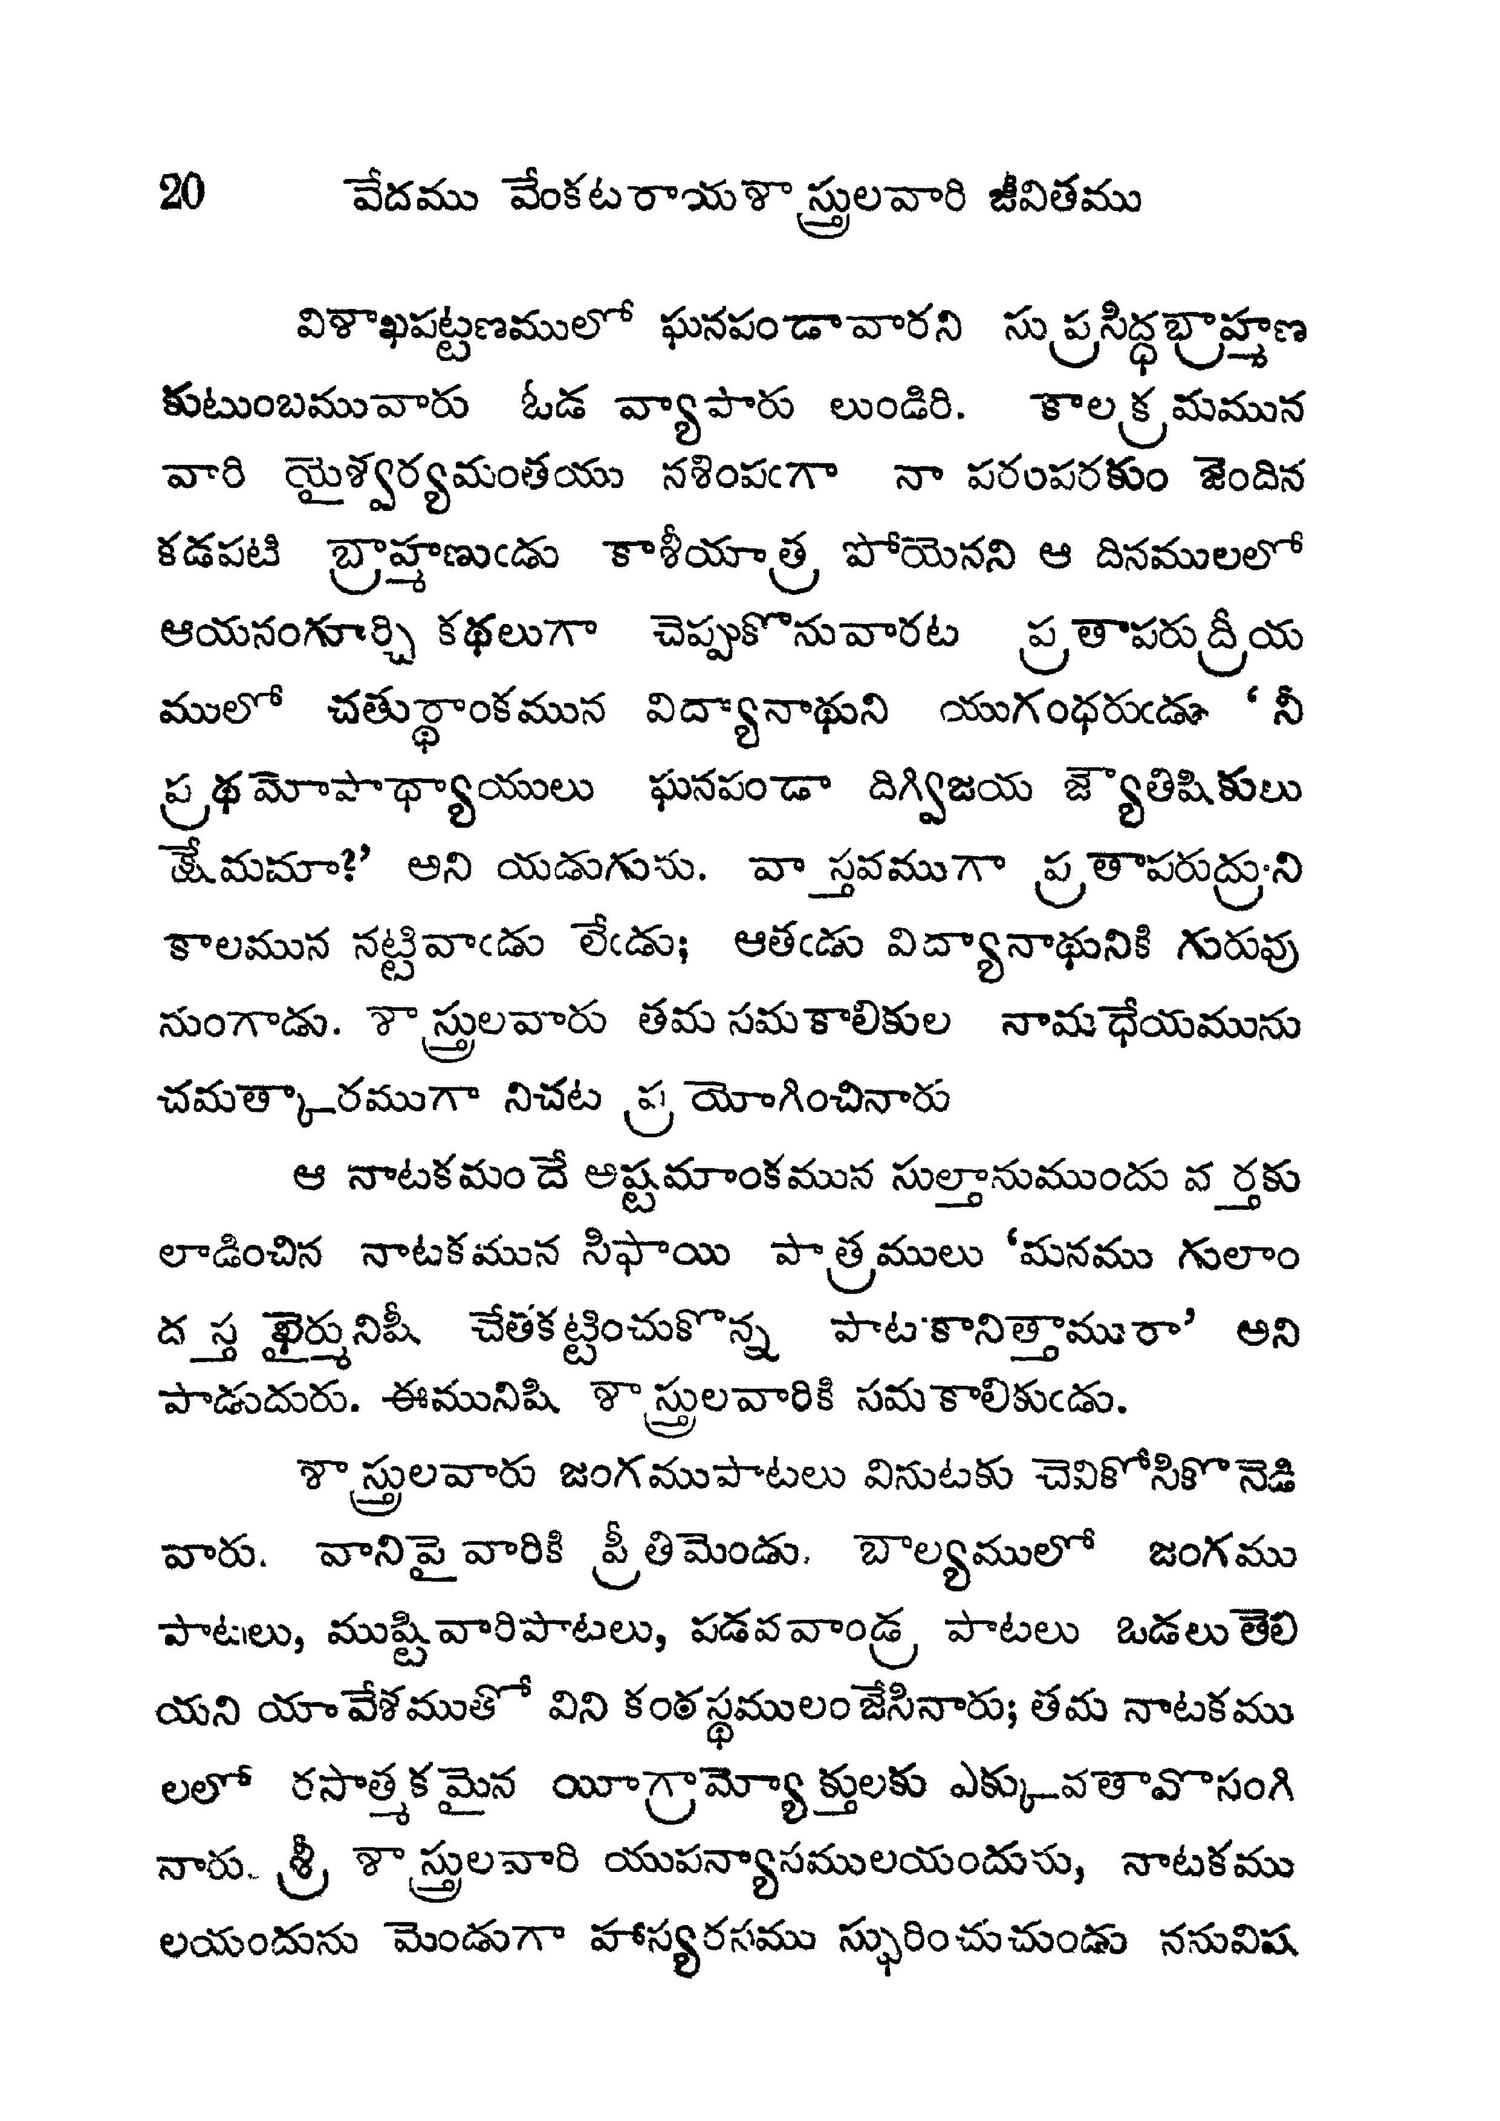విశాఖపట్టణములో ఘనపండావారని సుప్రసిద్ధబ్రాహ్మణ కుటుంబమువారు ఓడ వ్యాపారు లుండిరి. కాలక్రమమున వారి యైశ్వర్యమంతయు నశింపగా నా పరంపరకుం జెందిన కడపటి బ్రాహ్మణుడు కాశీయాత్ర పోయెనని ఆ దినములలో ఆయనంగూర్చి కథలుగా చెప్పుకొనువారట ప్రతాపరుద్రీయములో చతుర్థాంకమున విద్యానాథుని యుగంధరుడు 'నీ ప్రథమోపాథ్యాయులు ఘనపండా దిగ్విజయ జ్యౌతిషికులు క్షేమమా?' అని యడుగును. వాస్తవముగా ప్రతాపరుద్రుని కాలమున నట్టివాడు లేడు; ఆతడు విద్యానాథునికి గురువునుంగాడు. శాస్త్రులవారు తమ సమకాలికుల నామధేయమును చమత్కారముగా నిచట ప్రయోగించినారు.

ఆనాటకమందే అష్టమాంకమున సుల్తానుముందు వర్తకు లాడించిన నాటకమున సిఫాయి పాత్రములు 'మనము గులాందస్త ఖైర్మునిషీ చేతకట్టించుకొన్న పాటకానిత్తమురా' అని పాడుదురు. ఈమునిషి శాస్త్రులవారికి సమకాలికుడు.

శాస్త్రులవారు జంగముపాటలు వినుటకు చెవికోసికొనెడి వారు. వానిపై వారికి ప్రీతిమెండు. బాల్యములో జంగము పాటలు, ముష్టివారిపాటలు, పడవవాండ్ర పాటలు ఒడలు తెలియని యావేశముతో విని కంఠస్థములంజేసినారు; తమ నాటకములలో రసాత్మకమైన యీగ్రామ్యోక్తులకు ఎక్కువతావొసంగినారు. శ్రీ శాస్త్రులవారి యుపన్యాసములయందును, నాటకములయందును మెండుగా హాస్యరసము స్ఫురించుచుండు ననువిష